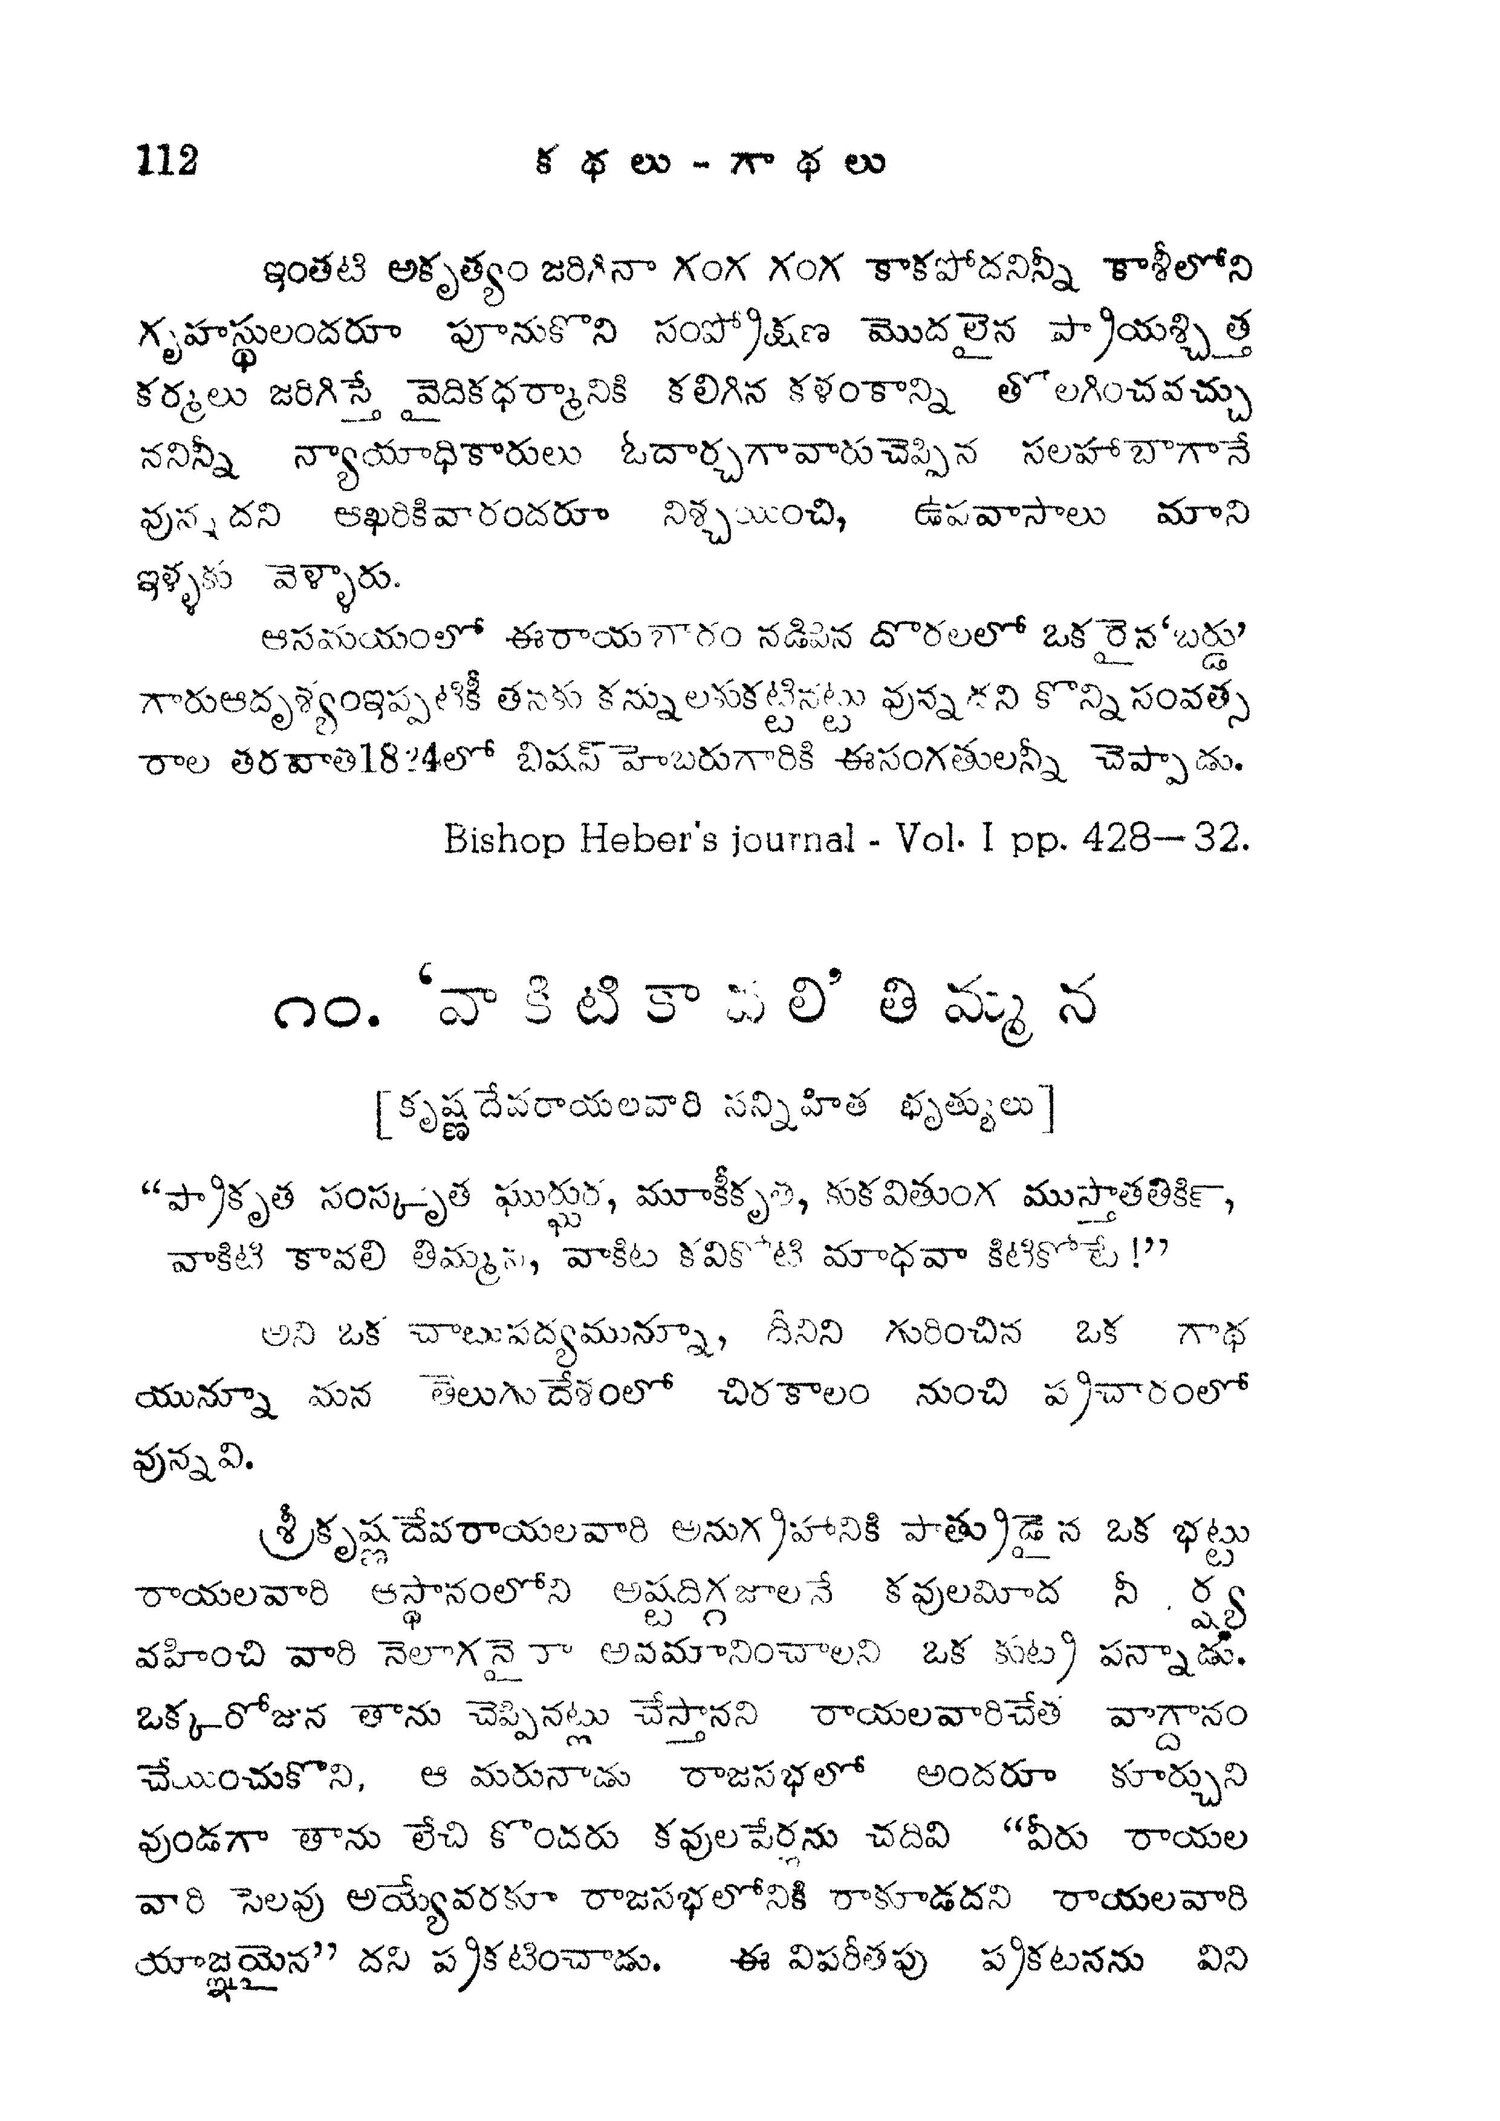ఇంతటి అకృత్యంజరిగినా గంగ గంగ కాకపోదనిన్నీ కాశీలోని గృహస్థులందరూ పూనుకొని సంప్రోక్షణ మొదలైన ప్రాయశ్చిత్త కర్మలు జరిగిస్తే వైదికధర్మానికి కలిగిన కళంకాన్ని తొలగించవచ్చుననిన్నీ న్యాయాధికారులు ఓదార్చగావారు చెప్పిన సలహాబాగానే వున్నదని ఆఖరికివారందరూ నిశ్చయించి, ఉపవాసాలు మాని ఇళ్ళకు వెళ్ళారు.

ఆసమయంలో ఈరాయబారం నడిపిన దొరలలో ఒకరైన 'బర్డు ' గారు ఆ దృశ్యం ఇప్పటికీ తనకు కన్నులకట్టినట్టు వున్నదని కొన్ని సంవత్సరాల తరువాత 1884 లో బిషప్ హెబరుగారికి ఈసంగతులన్నీ చెప్పాడు. 
Bishop Heber's journal - Vol.1 pp.428-32

"ప్రాకృత సంస్కృత ఘర్ఘర, మూకీకృత, కుకవితుంగ ముస్తాతతికిన్,
 వాకిటి కావలి తిమ్మన, వాకిట కవికోటి మాధవా కిటికోటే!"

శ్రీకృష్ణదేవరాయలవారి అనుగ్రహానికి పాత్రుడైన ఒక భట్టు రాయలవారి ఆస్థానములోని అష్టదిగ్గజాలనే కవులమీద నీర్ష్యవహించి వారి నెలాగైనా అవమానించాలని ఒక కుట్ర పన్నాడు. ఒక్కరోజున తాను చెప్పినట్లు చేస్తానని రాయలవారిచేత వాగ్ధానం చేయించుకొని, ఆ మరునాడు రాజసభలో అందరూ కూర్చుని వుండగా తాను లేచి కొందరు కవులపేర్లను చదివి "వీరు రాయల వారి సెలవు అయ్యేవరకూ రాజసభలోనికి రాకూడదని రాయలవారి యాజ్ఞ"యైనదని ప్రకటించాడు. ఈ విపరీతపు ప్రకటనను విని